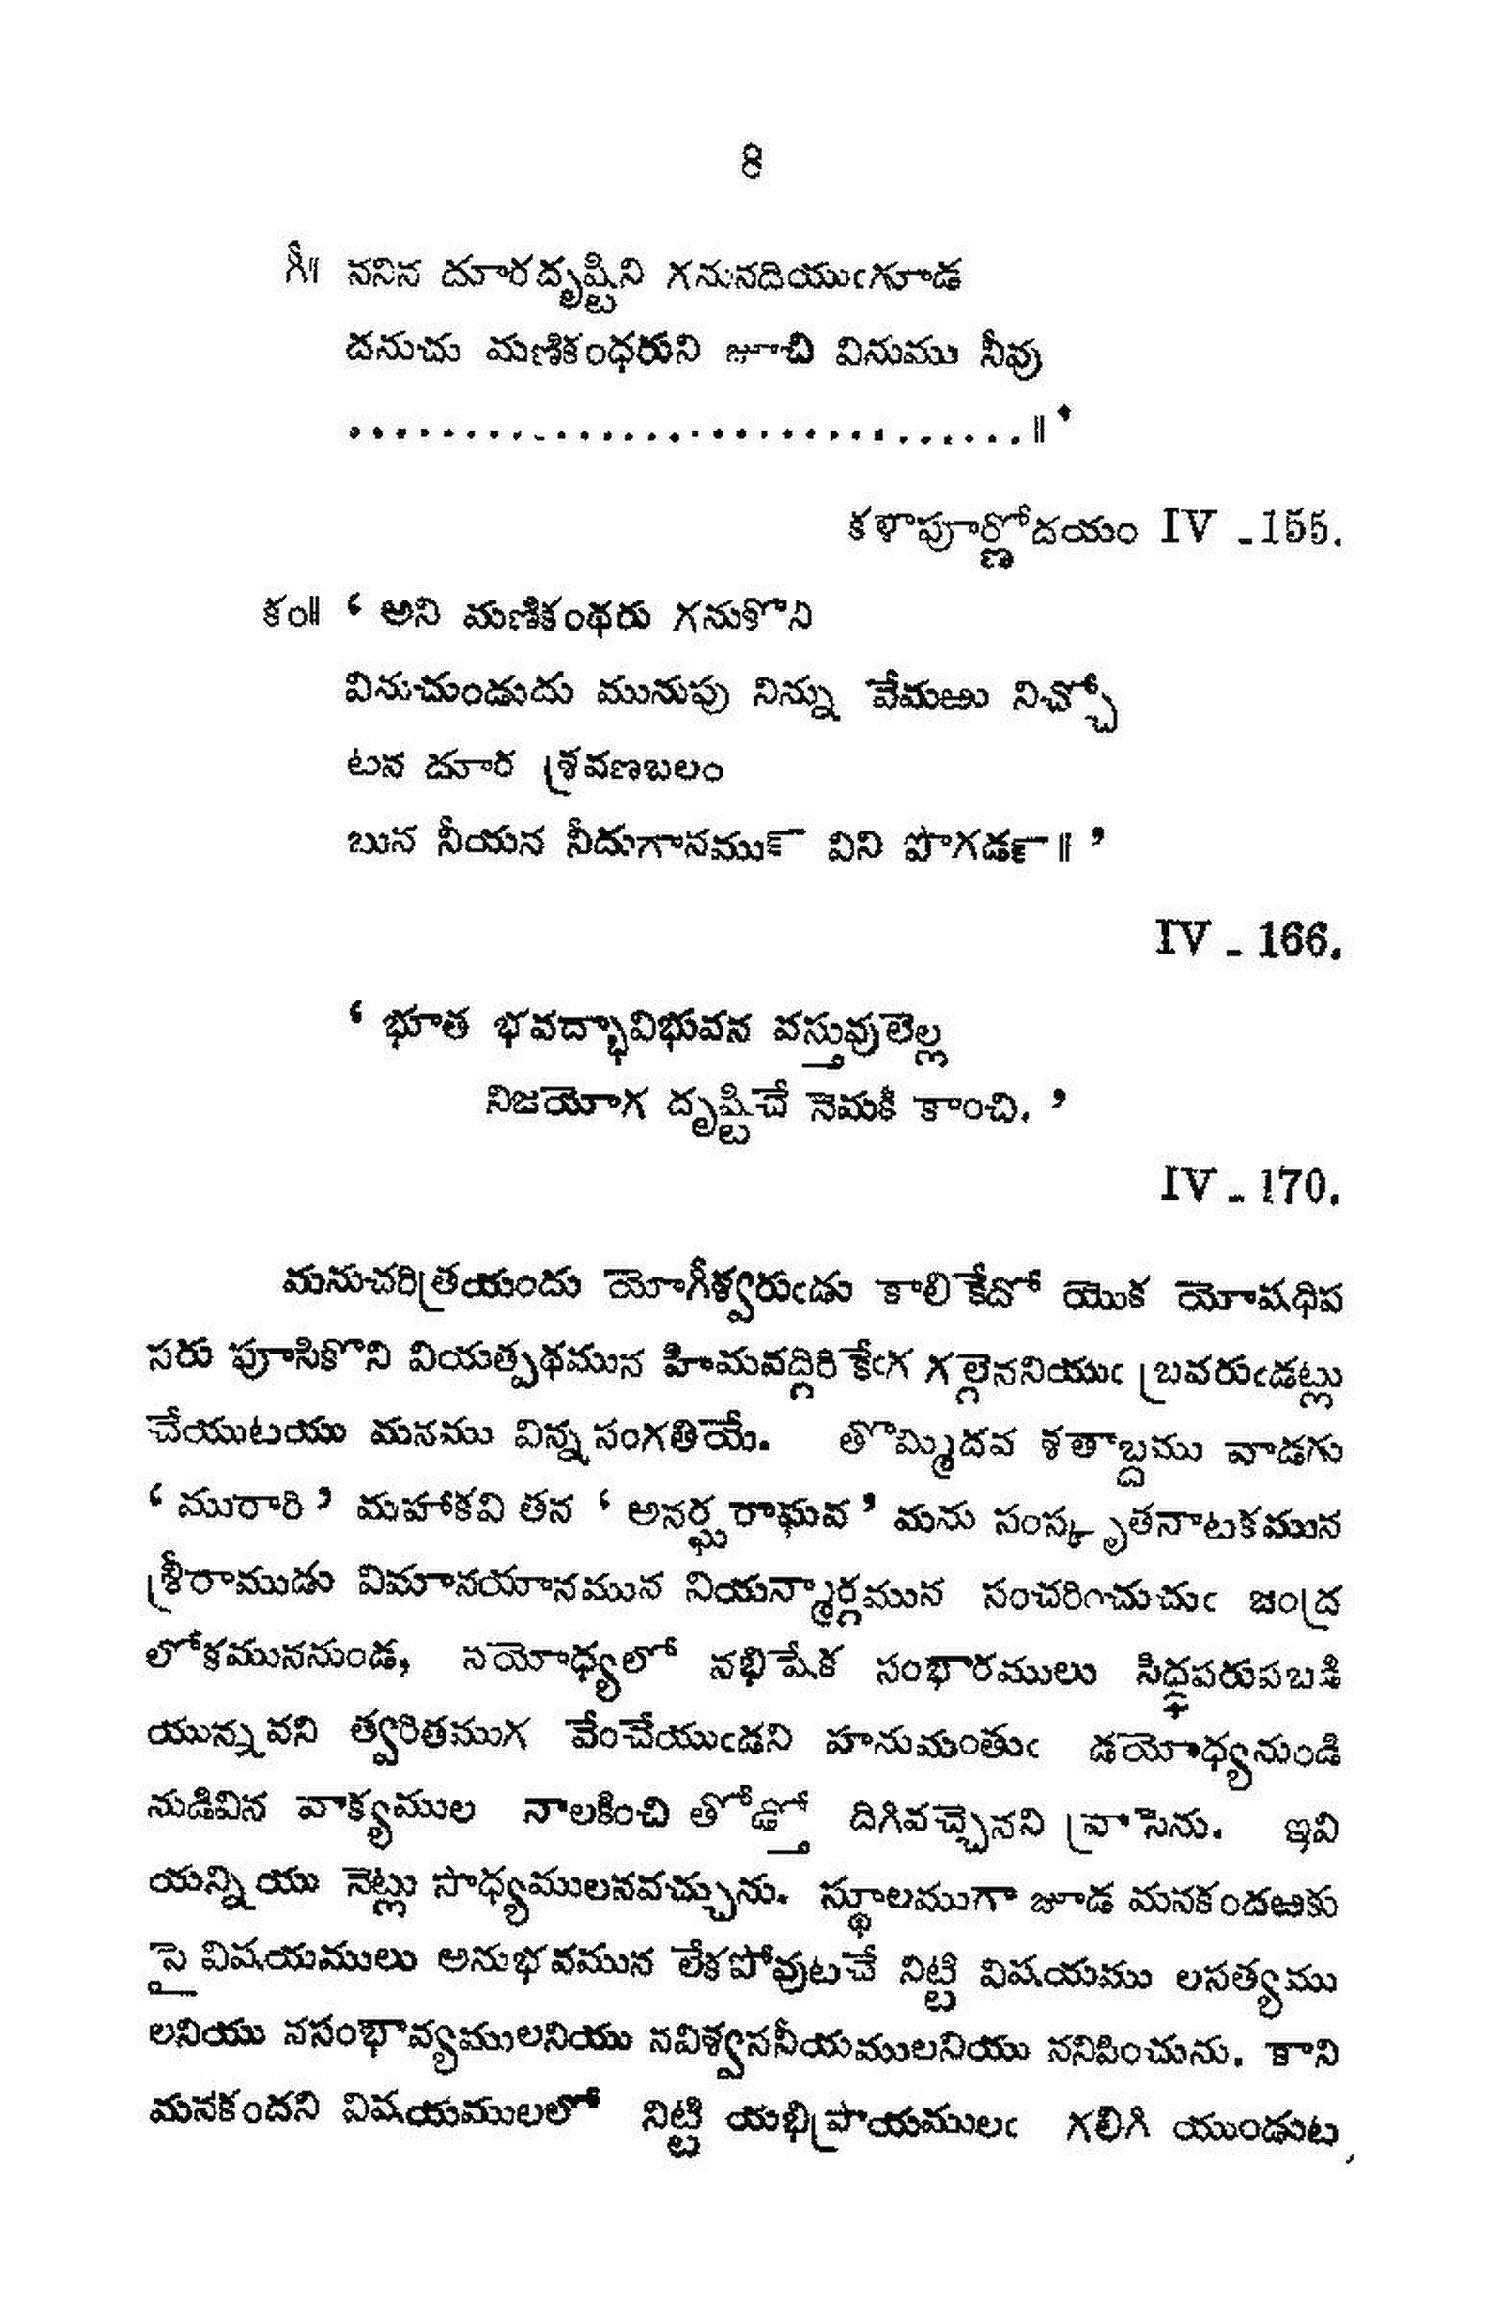మనుచరిత్రయందు యోగీశ్వరుఁడు కాలి కేదో యొకయోషధిపసరు పూసికొని వియత్పథమున హిమవద్గిరి కేఁగ గల్గెననియుఁ బ్రవరుఁ డట్లు చేయుటయు మనము విన్నసంగతియే. తొమ్మిదవశతాబ్దమువా డగు 'మురారి' మహాకవి తన 'అనర్ఘరాఘవ' మను సంస్కృతనాటకమున శ్రీరాముడు విమానయానమున వియన్మార్గమున సంచరించుచుఁ జంద్రలోకమున నుండ, నయోధ్యలో నభిషేకసంభారములు సిద్ధపరుపబడియున్నవని త్వరితముగ వేంచేయుఁడని హనుమంతుఁ డయోధ్యనుండి నుడివినవాక్యముల నాలకించి తోడ్తో దిగివచ్చెనని వ్రాసెను. ఇవి యన్నియు నెట్లు సాధ్యము లనవచ్చును. స్థూలముగా జూడ మనకందఱకు పైవిషయములు అనుభవమున లేకపోవుటచే నిట్టివిషయము లసత్యము లనియు నసంభావ్యములనియు నవిశ్వసనీయములనియు ననిపించును. కాని మనకందని విషయములలో నిట్టియభిప్రాయములఁ గలిగియుండుట